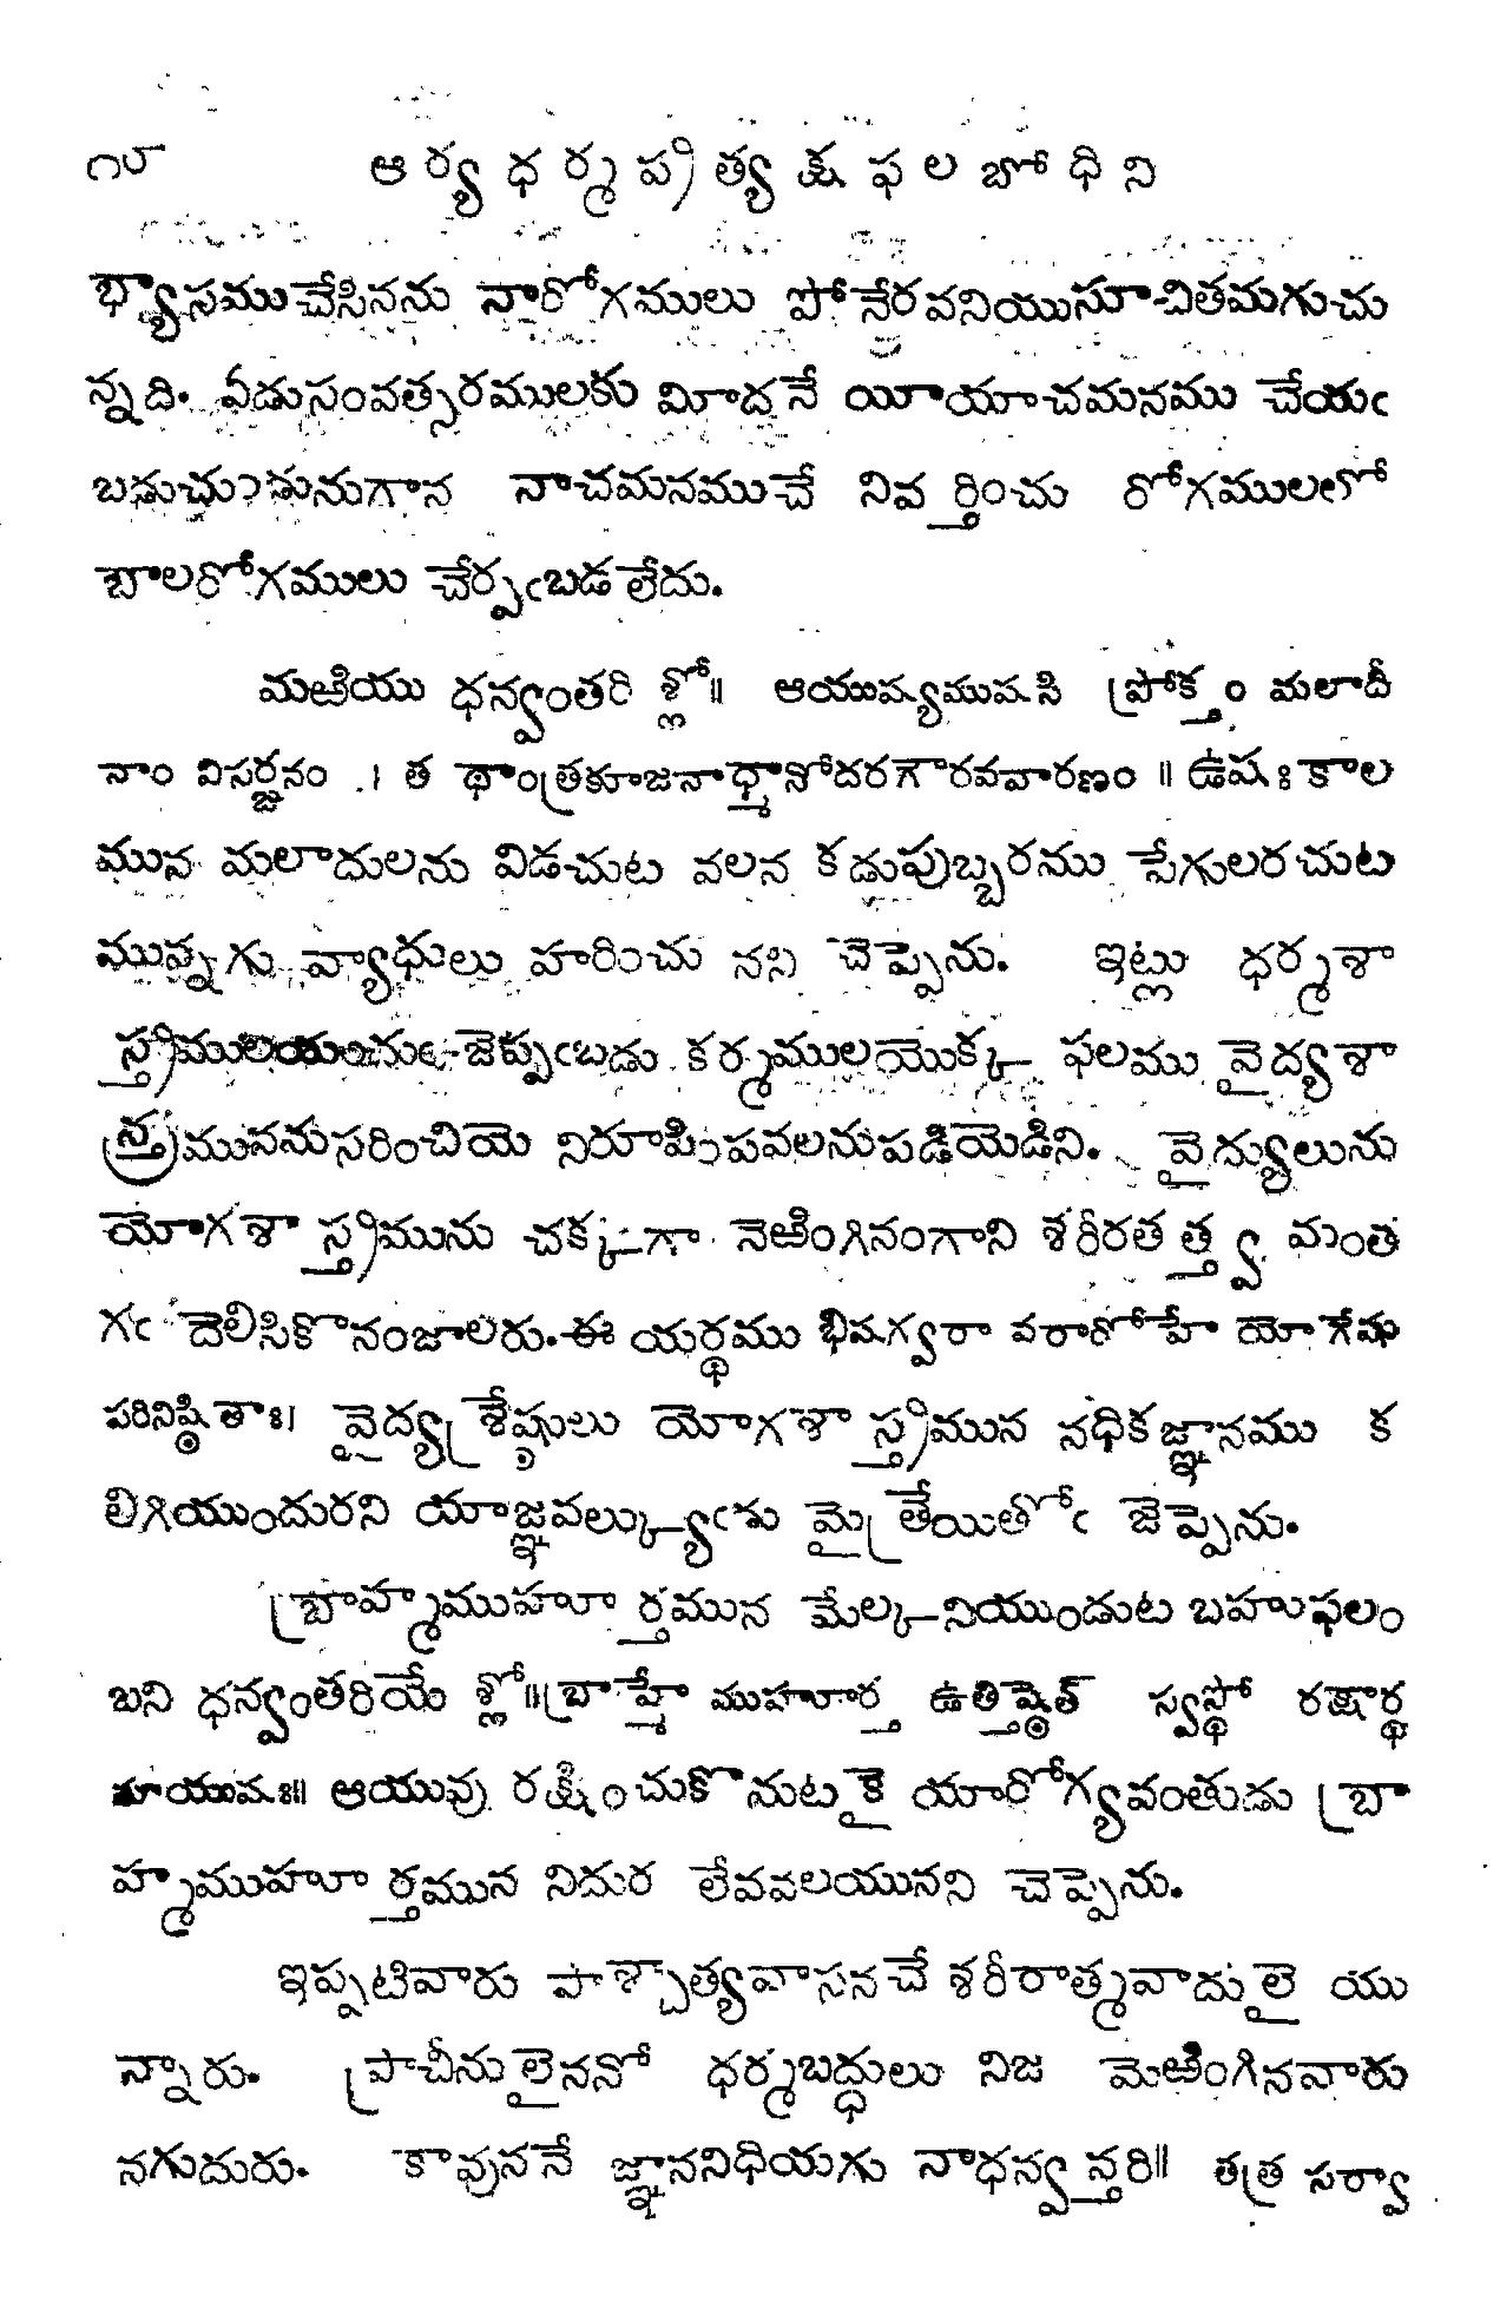భ్యాసముచేసినను నారోగములు పోనేరవనియు సూచితమగుచున్నది. ఏడుసంవత్సరములకు మీదనే యీయాచమనము చేయఁబడుచుండునుగాన నాచమనముచే నివర్తించు రోగములలో బాలరోగములు చేర్పఁబడలేదు.

మఱియు ధన్వంతరి శ్లో॥ ఆయుష్యముషసి ప్రోక్తం మలాదీనాం విసర్జనం ! త థాంత్రకూజనాధ్మానోదర గౌరవవారణం॥ ఉషఃకాలమున మలాదులను విడచుట వలన కడుపుబ్బరము పేగులరచుట మున్నగు వ్యాధులు హరించు నని చెప్పెను. ఇట్లు ధర్మశాస్త్రములయందుఁ జెప్పఁబడు కర్మములయొక్క ఫలము వైద్యశాస్త్రముననుసరించియె నిరూపింపవలనుపడియెడిని. వైద్యులును యోగశాస్త్రమును చక్కగా నెఱింగినంగాని శరీరతత్త్వ మంతగఁ దెలిసికొనంజాలరు.ఈ యర్థము భిషగ్వరా వరారోహే యోగేషు
పరినిష్ఠితా॥ వైద్యశ్రేష్ఠులు యోగశాస్త్రమున నధికజ్ఞానము కలిగియుందురని యాజ్ఞవల్క్యుడు మైత్రేయితోఁ జెప్పెను.

బ్రాహ్మముహూర్తమున మేల్కనియుండుట బహుఫలంబని ధన్వంతరియే శ్లో॥బ్రాహ్మే ముహూర్త ఉత్తిష్ఠెత్ స్వస్థో రక్షార్థ మాయుషః॥ ఆయువు రక్షించుకొనుటకై యారోగ్యవంతుడు బ్రాహ్మముహూర్తమున నిదుర లేవవలయునని చెప్పెను.

ఇప్పటివారు పాశ్చాత్యవాసనచే శరీరాత్మవాదులై యున్నారు. ప్రాచీనులైననో ధర్మబద్ధులు నిజ మెఱింగినవారు
నగుదురు. కావుననే జ్ఞాననిధియగు నాధన్వన్తరి॥ తత్ర సర్వా